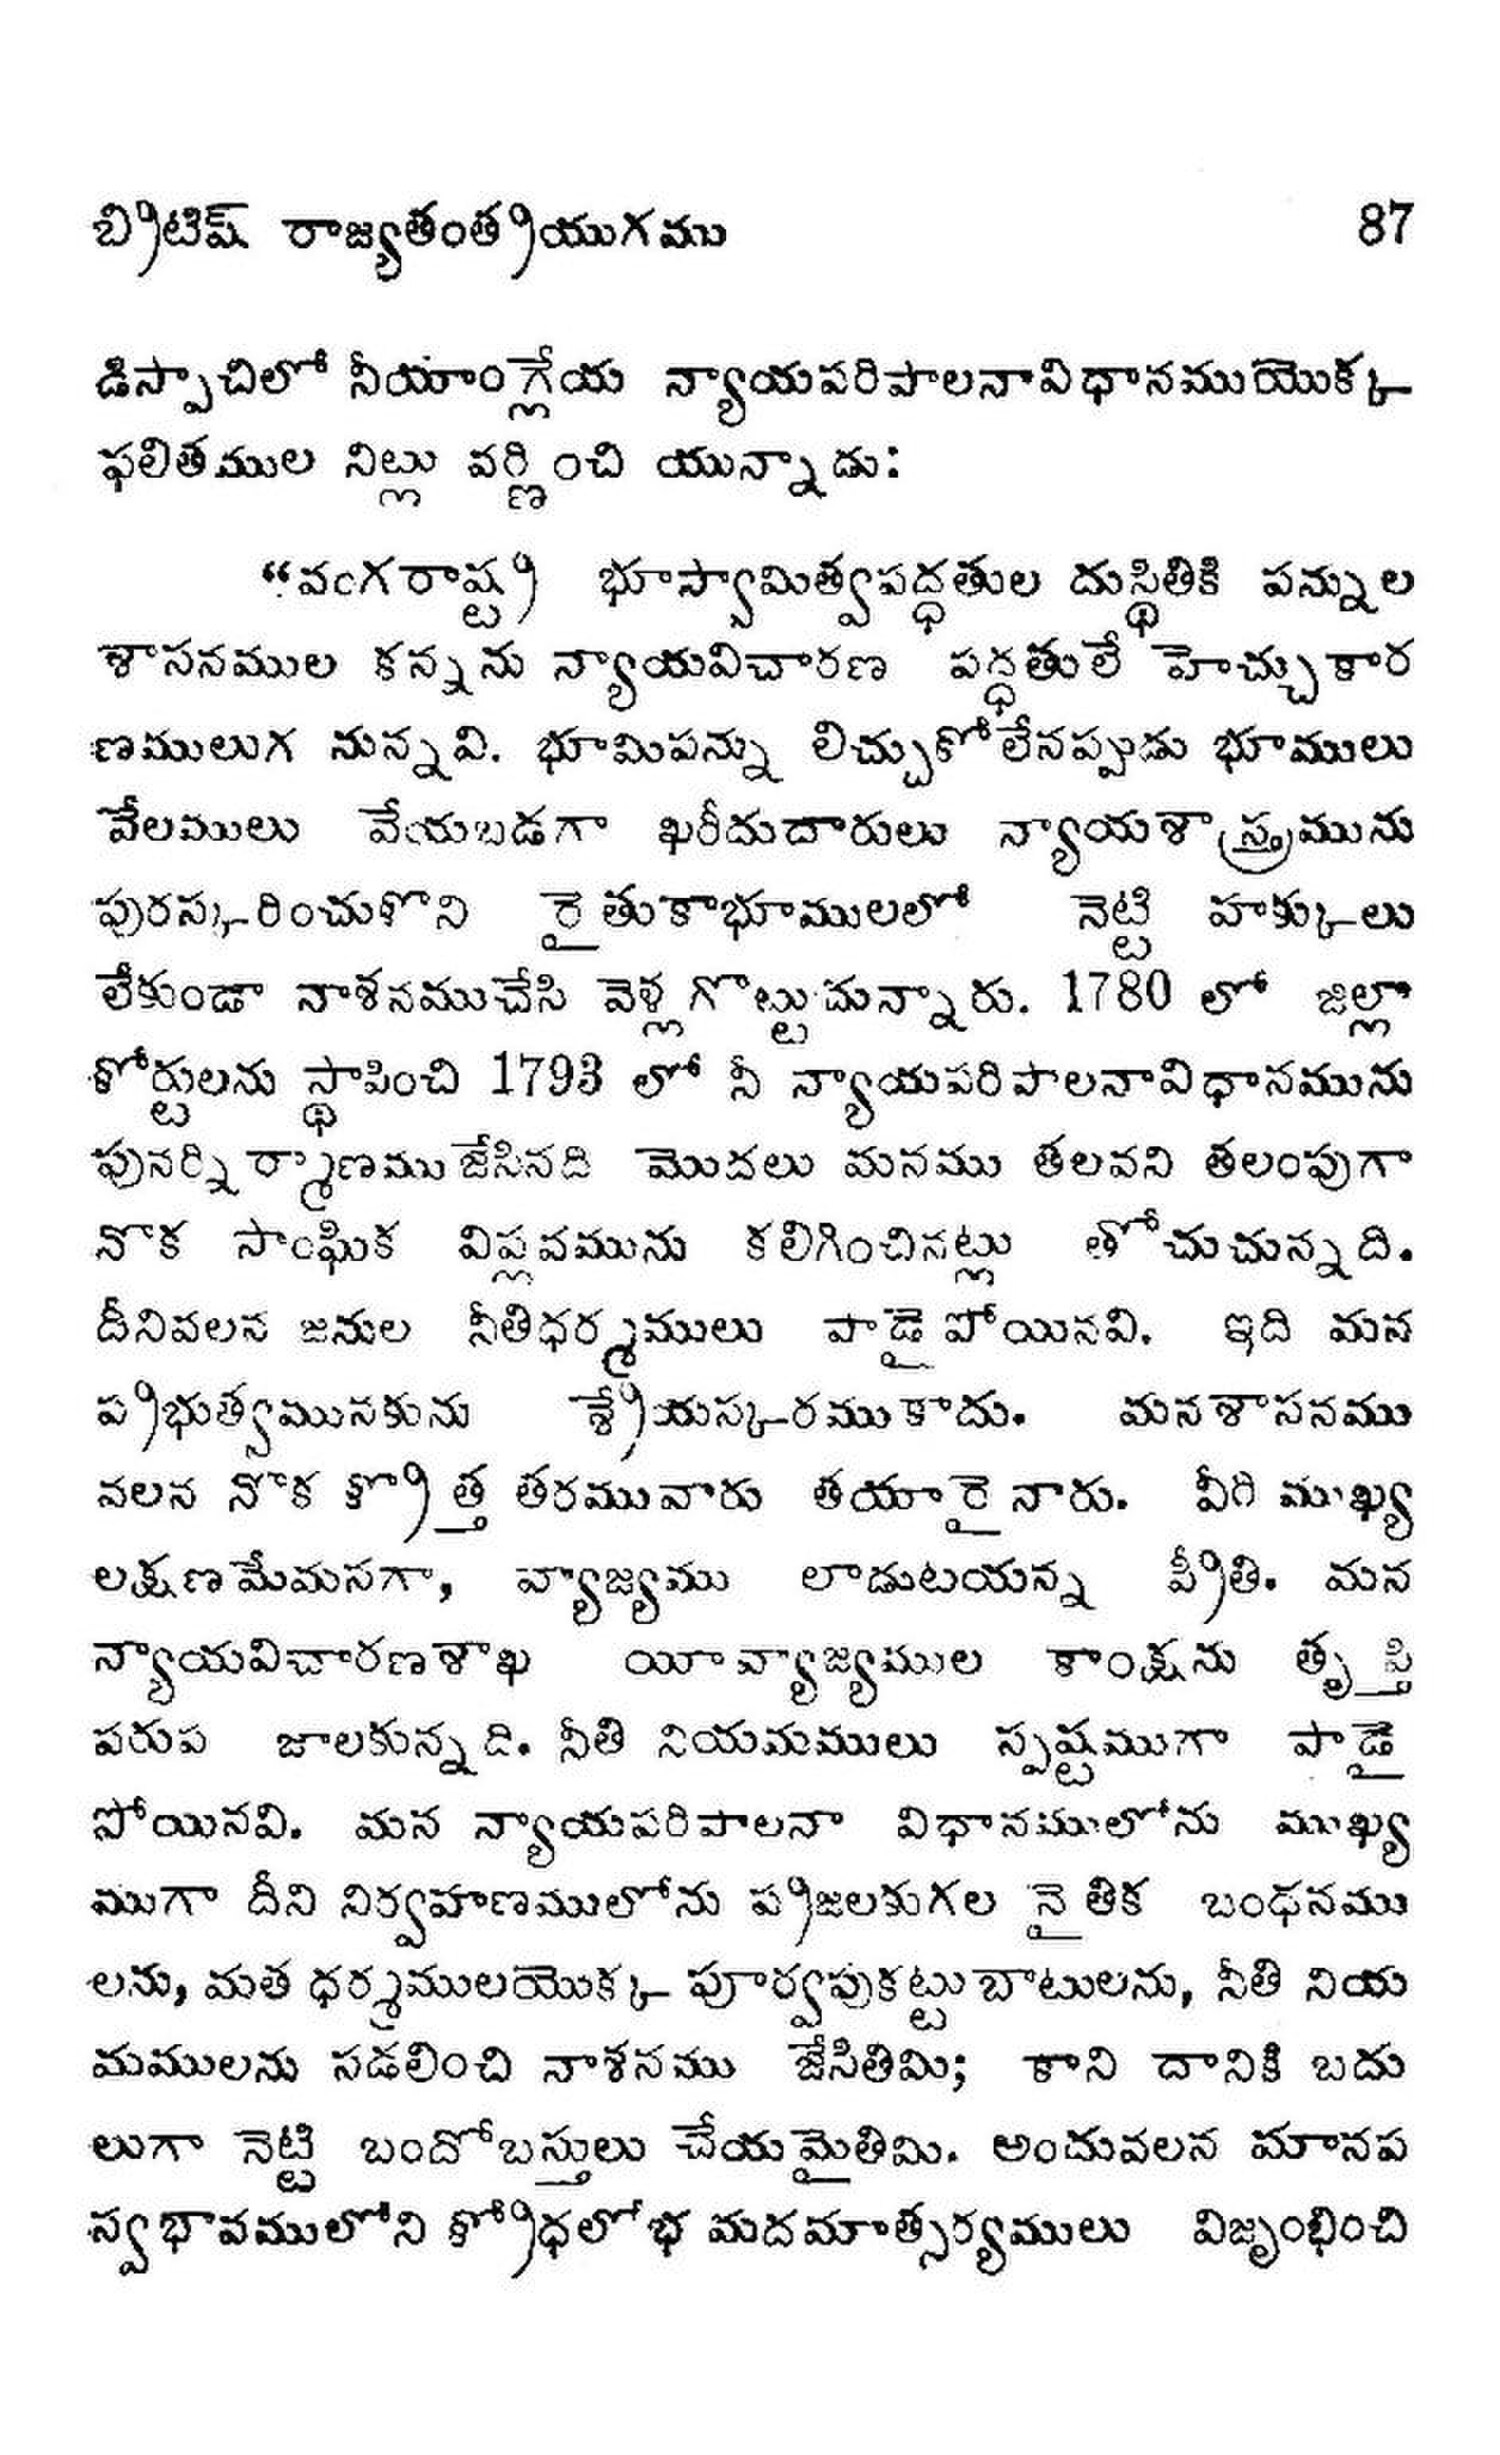డిస్పాచిలో నీయాంగ్లేయ న్యాయపరిపాలనావిధానముయొక్క ఫలితముల నిట్లు వర్ణించి యున్నాడు:

“వంగరాష్ట్ర భూస్వామిత్వపద్ధతుల దుస్థితికి పన్నుల శాసనముల కన్నను న్యాయవిచారణ పధ్ధతులే హెచ్చు కారణములుగ నున్నవి. భూమిపన్ను లిచ్చుకోలేనప్పుడు భూములు వేలములు వేయబడగా ఖరీదుదారులు న్యాయశాస్త్రమును పురస్కరించుకొని రైతుకాభూములలో నెట్టి హక్కులు లేకుండా నాశనముచేసి వెళ్లగొట్టుచున్నారు. 1780 లో జిల్లా కోర్టులను స్థాపించి 1793 లో నీ న్యాయపరిపాలనావిధానమును పునర్నిర్మాణము జేసినది మొదలు మనము తలవని తలంపుగా నొక సాంఘిక విప్లవమును కలిగించినట్లు తోచుచున్నది. దీనివలన జనుల నీతిధర్మములు పాడై పోయినవి. ఇది మన ప్రభుత్వముసకును శ్రేయస్కరముకాదు. మనశాసనము వలన నొక క్రొత్తతరమువారు తయారైనారు. వీరి ముఖ్యలక్షణమేమనగా, వ్యాజ్యము లాడుటయన్న ప్రీతి. మన న్యాయవిచారణశాఖ యీవ్యాజ్యముల కాంక్షను తృప్తి పరుప జాలకున్నది. నీతి నియమములు స్పష్టముగా పాడైసోయినవి. మన న్యాయపరిపాలనా విధానములోను ముఖ్యముగా దీని నిర్వహణములోను ప్రజలకుగల నైతిక బంధనములను, మత ధర్మములయొక్క పూర్వపుకట్టుబాటులను, నీతి నియమములను సడలించి నాశనము జేసితిమి; కాని దానికి బదులుగా నెట్టి బందోబస్తులు చేయమైతిమి. అందువలన మానవ స్వభావములోని క్రోధలోభ మదమాత్సర్యములు విజృంభించి